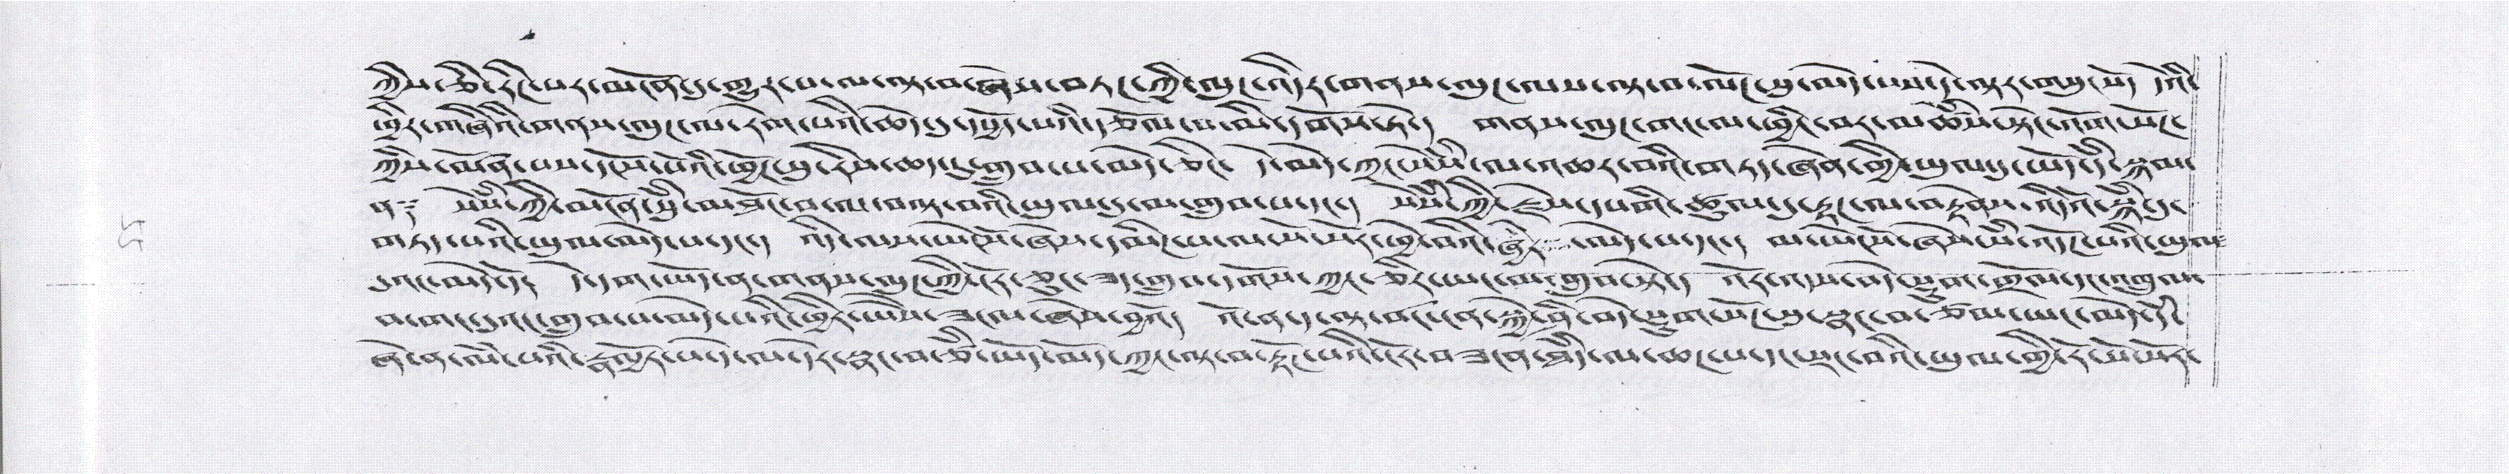ཀྱིས་ཅི་རིགས་པར་མངོན་དུ་གྱུར་པ་ལ་ལྟ་བ་ཞེས་བཏགས་ཀྱི་ལུགས་འདིར་གནས་ལུགས་ལས་ལྟ་བ་ལོགས་སུ་མེད་པས་དེ་ལྟར་གསུངས་སོ། དེའི་
ཕྱིར་གཞིའི་གནས་ལུགས་ལ་རིག་པའི་ཆེད་དུ་དཔྱོད་པའི་རྩོལ་བ་མི་དགོས་ཏེ། གནས་ལུགས་གང་ལ་ཕྱི་ནང་བར་མཚམས་སྟེང་འོག་སོགས་
ཀྱིས་མཚོན་པས་དངོས་པོའི་ཕྱོགས་ཀྱིས་རིས་ཆད་དུ་གྲུབ་པ་མེད་ཅིང་། དེ་མེད་ཀྱང་སེམས་ལ་འཆར་བའི་གཏད་ཞེན་གྱི་ཡུལ་དུ་ཡོད་དམ་སྙམ་
ན། སེམས་ཀྱིས་མངོན་སུམ་དུ་མཐོང་བ་ལ་ལྟ་བའི་ཡུལ་དུ་མ་གྲུབ་པ་དང་། སེམས་ཀྱི་རྗེས་དཔག་གི་ཚུལ་དུ་རྟགས་ལ་བརྟེན་ནས་འདིའོ་སྙམ་དུ་
གཏད་པའི་ཡུལ་མེད་པ་དང་། འདི་ལས་ཡེངས་སོ་ཞེས་དམིགས་པ་ལ་སོ་སོར་ཕྱེ་བའི་གཞིར་མེད་པ་དང་། མ་ཡེངས་སོ་ཞེས་སམ་འདོགས་པའི་ཡུལ་
དུའང་མེད་དོ། དེ་དག་ཡོད་ན་གནས་ལུགས་ཀྱི་ངོིར་ཅུང་ཟད་གྲུབ་དགོས་ཀྱང་ཅིར་ཡང་མ་གྲུབ་སྟེ། འཁོར་འདས་བདེ་སྡུག་གྲོལ་དང་འཁྲུལ་
པ་གང་དུ་འང་གྲུབ་པ་མེད་པའི་ཕྱིར་ཡེ་ཤེས་ཟང་ཐལ་ཞེས་བྱའོ། འོ་ན་ད་ལྟ་བཟང་ངན་སྐྱེ་ཤི་བདེ་སྡུག་སོགས་སུ་སྣང་བ་ཙམ་ཡང་མེད་དམ་
ཞེ་ན་ལམ་པའི་རྣལ་འབྱོར་པ་དེ་ལ་དེར་སྣང་བ་ཙམ་ཡོད་མོད་ཀྱང་ལྟ་བ་རྟོགས་པའི་ངོར་བཟང་ངན་ཐམས་ཅད་ལ་ཆགས་པ་དང་སྡང་བའི་ཡུལ་གྱི་རོ་སོ་སོར་